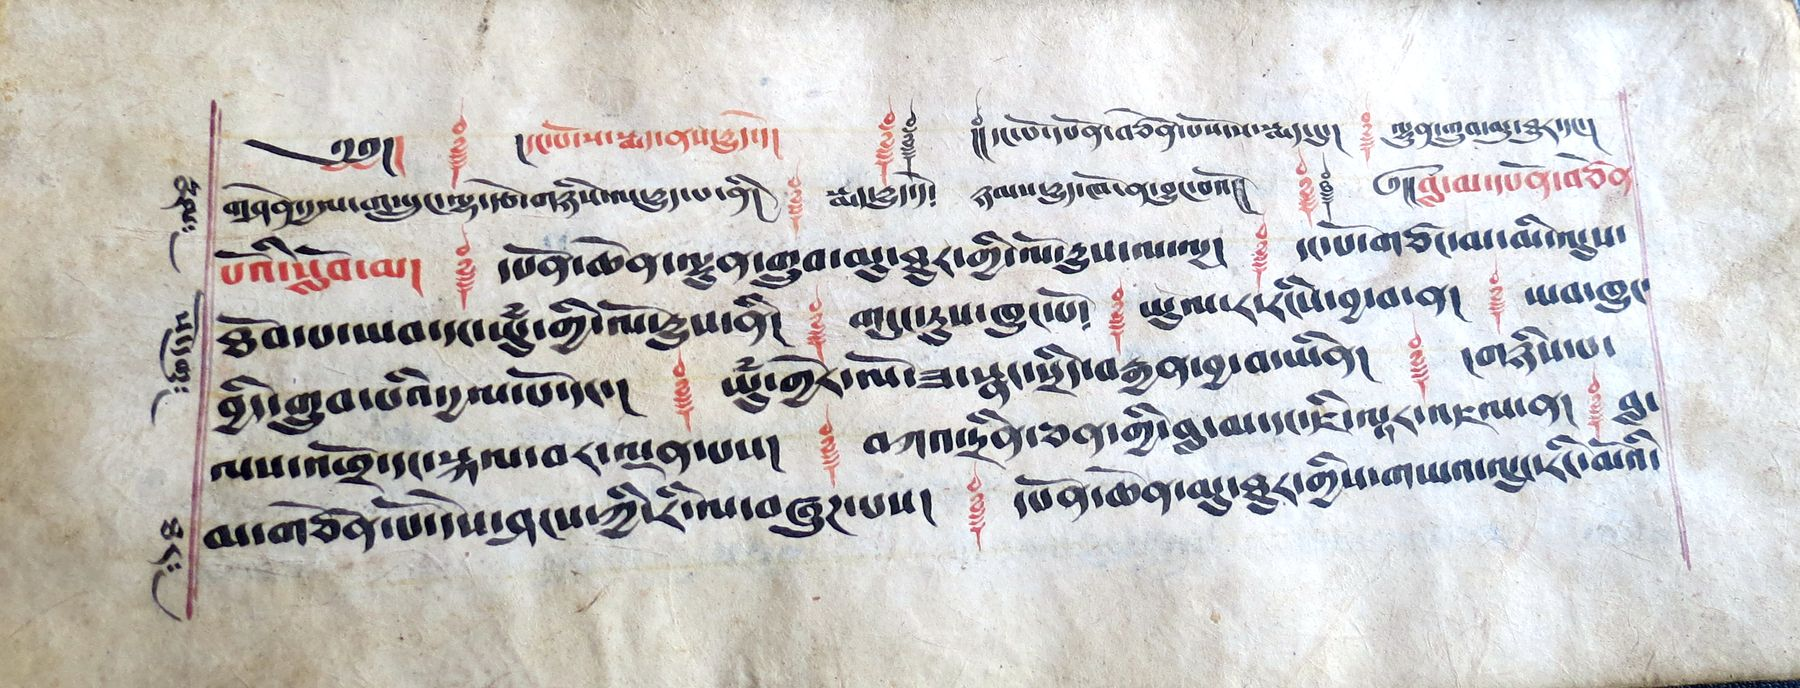དང་པོ་ས་སྨད་ནས་བརྒྱུད་དེ། དཔོན་བཙན་པོས་ས་སྨད་དུ། ལྷུན་གྲུབ་མུ་ཐུར་དང་། 
གཤེན་རྒྱལ་གཡུང་དྲུང་ལྷ་རྩེ་གཉིས་ལ་བརྒྱུད་པ་ནི། སྨད་རྒྱུད་དེ་ཉམས་རྒྱུད་ཁོ་ན་བྱུང་བའོ། ། བླ་མ་བཙན་
པོའི་སློབ་མ། དཔོན་ཆེན་ལྷུན་གྲུབ་མུ་ཐུར་གྱི་ལོ་རྒྱུས་ལ་ལྔ། དང་པོ་གཙང་མ་མི་ལུས་
ཐོབ་པ་ཡབ་དང་ཡུམ་གྱི་ལོ་རྒྱུས་ནི། གདུང་རུས་ཁྱུང་པོ། ཡུལ་ར་རིང་བྱ་བ་ན། ཡབ་ཁྱུང་
བྱིད་གྲུབ་པའི་རྒྱལ་པོ་དང་། ཡུམ་གྱེར་ལོ་བཟའ་སྣང་སྲིད་རྒྱན་བྱ་བ་ཡིན། གཉིས་པ་
ལས་འཕྲོ་དང་སྐལ་པར་ལྡན་པས། བཀའ་དྲིན་ཅན་གྱི་བླ་མ་དང་ཅི་ལྟར་མཇལ་ན། བླ་
མ་བཙན་པོ་དེ་ཤངས་ཀྱི་རི་ལ་བཞུགས་པས། དཔོན་ཆེན་མུ་ཐུར་གྱིས་གཡའ་ལུང་རིང་མོའི་